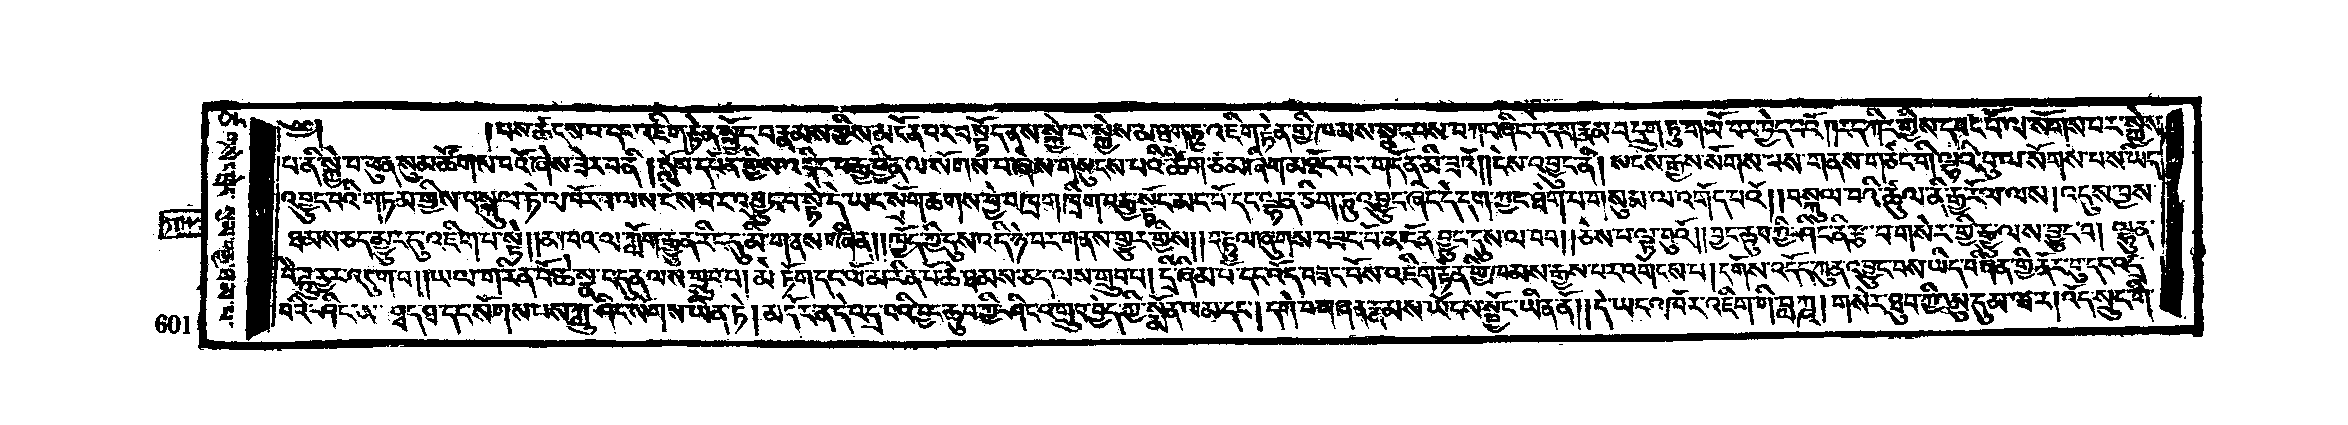༄༅། །པས་ཚངས་པ་དང་འཇིག་རྟེན་སྐྱོང་བ་རྣམས་ཀྱིས་མངོན་པར་བསྟོད་ནས་སྐྱེ་ལ་སྐྱེས་མ་ཐག་ཏུ་འཇིག་རྟེན་གྱི་ཁམས་སྣང་བས་བཀང་ཞིང་དེ་དག་རྣམ་པ་དྲུག་ཏུ་གཡོ་བར་བྱེད་པའོ། །རད་ཀིར་གྱིས་དབང་པོ་ལ་སོགས་པར་སྐྱེས་
པ་ནི་སྐྱེ་བ་ཕུན་སུམ་ཚོགས་པའོ་ཞེས་ཟེར་བ་ནི། སློབ་དཔོན་གྱིས་འདིར་བརྒྱ་བྱིན་ལ་སོགས་པ་ཞེས་གསུངས་པའི་ཚིག་ཙམ་ཞིག་མཐོང་བར་གདོན་མི་ཟའོ། །ངེས་འབྱུང་ནི། སངས་རྒྱས་སོགས་པས་གནས་གཙང་གི་ལྷའི་བུ་ལ་སོགས་པས་ཡིད་
འབྱུང་བའི་གཏམ་གྱིས་བསྐུལ་ཏེ་འཁོར་བ་ལས་ངེས་པར་འབྱུང་བ་སྟེ་དེ་ཡང་སྲོག་ཆགས་བྱེ་བ་ཁྲག་ཁྲིག་བརྒྱ་སྟོང་མང་པོ་དང་ལྷན་ཅིག་ཏུ་འབྱུང་ཞིང་དེ་དག་ཀྱང་ཐེག་པ་གསུམ་ལ་འགོད་པའོ། །བསྐུལ་བའི་ཚུལ་ནི་རྒྱ་རོལ་ལས། འདུས་བྱས་
ཐམས་ཅད་མྱུར་དུ་འཇིག་པ་སྟེ། །མཁའ་ལ་ཀློག་རྒྱུན་རིང་དུ་མི་གནས་བཞིན། །ཁྱོད་ཀྱི་དུས་འདི་ཉེ་བར་གནས་གྱུར་གྱིས། །བརྟུལ་ཞུགས་བཟང་པོ་མངོན་བྱུང་དུས་ལ་བབ། །ཅེས་པ་ལྟ་བུའོ། །བྱང་ཆུབ་ཀྱི་ཤིང་ནི་རྩ་བ་གསེར་གྱི་རྒྱུ་ལས་བྱུང་བ། ལྷུན་
བཻ་ཌཱུརྱར་འདུག་པ། །ཡལ་ག་རིན་པོ་ཆེ་སྣ་བདུན་ལས་གྲུབ་པ། མེ་ཏོག་དང་འོ་མ་རིན་པོ་ཆེ་ཐམས་ཅད་ལས་གྲུབ་པ། དྲི་ཞིམ་པོ་དང་འོད་བཟང་པོས་འཇིག་རྟེན་གྱི་ཁམས་རྒྱས་བར་འགེངས་པ། དགོས་འདོད་ཀུན་འབྱུང་བས་ཡིད་བཞིན་གྱི་ནོར་བུ་དང་འདྲ་
བའི་ཤིང་ཨ་ཤྭད་ཐ་དང་སོགས་པས་ཀླུ་ཤིང་སོགས་ཡིན་ཏེ། མདོར་ན་དེ་འདྲ་བའི་བྱང་ཆུབ་ཀྱི་ཤིང་འགྲུབ་བྱེད་ཀྱི་སྨོན་ལམ་དང་། དགེ་བ་གཞན་རྣམས་ཡོངས་སྦྱོང་ཡིན་ནོ། །དེ་ཡང་འཁོར་འཇིག་གི་བླཀྵ། གསེར་ཐུབ་ཀྱི་ཨུ་དུ་མ་ཝ་ར། འོད་སྲུང་གི་